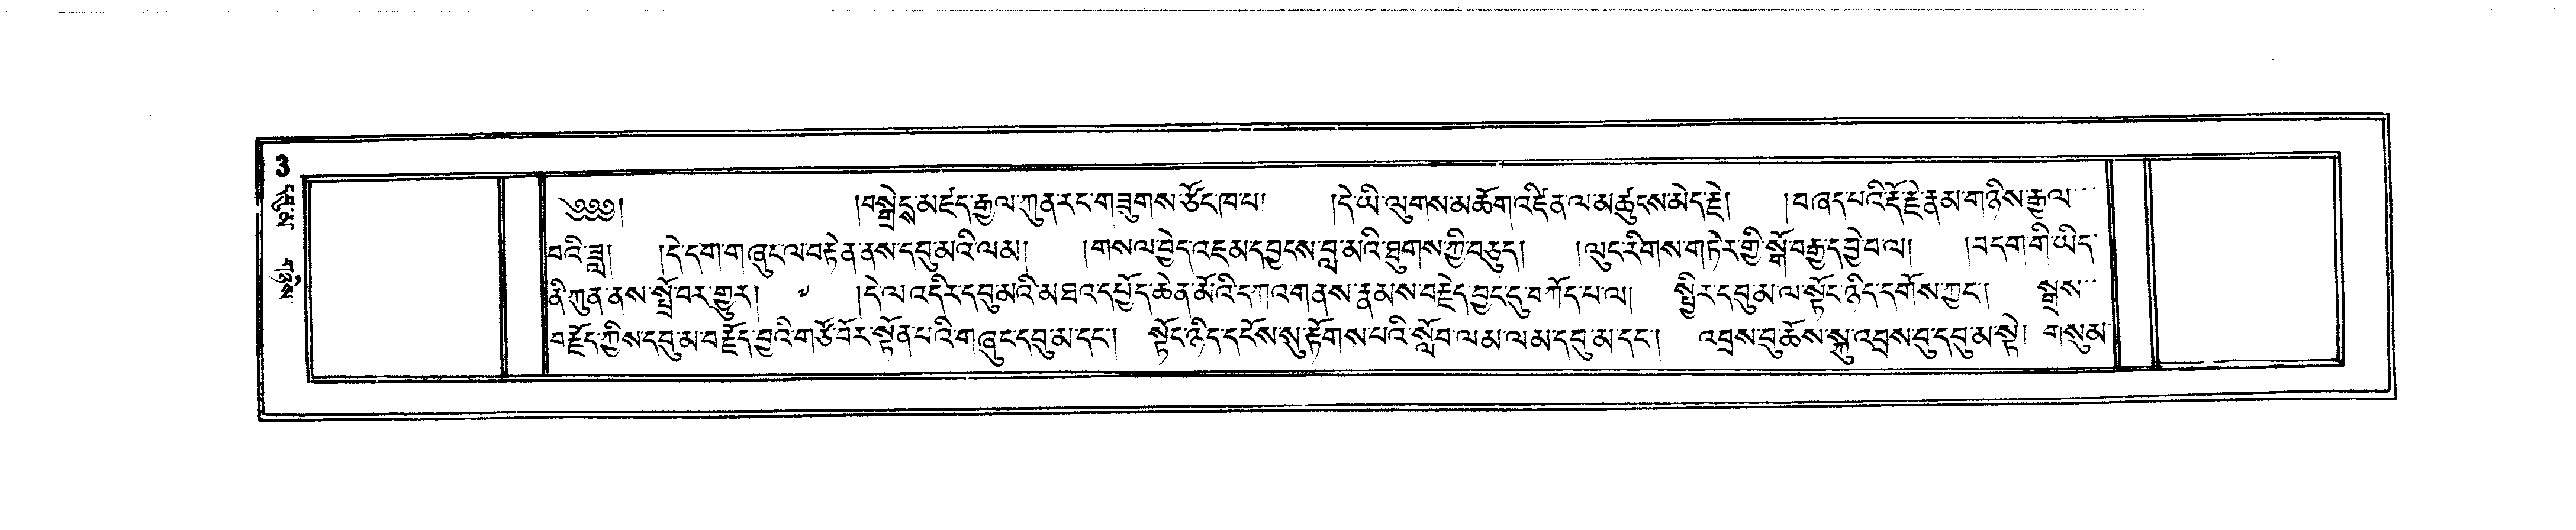༄༅༅། །བསྒྲེངས་མཛད་རྒྱལ་ཀུན་རང་གཟུགས་ཙོང་ཁ་པ། །དེ་ཡི་ལུགས་མཆོག་འཛིན་ལ་མཚུངས་མེད་རྗེ། །བཞད་པའི་རྡོ་རྗེ་རྣམ་གཉིས་རྒྱལ་
བའི་ཟླ། །དེ་དག་གཞུང་ལ་བརྟེན་ནས་དབུ་མའི་ལམ། །གསལ་བྱེད་འཇམ་དབྱངས་བླ་མའི་ཐུགས་ཀྱི་བཅུད། །ལུང་རིགས་གཏེར་གྱི་སྒོ་བརྒྱ་དབྱེ་བ་ལ། །བདག་གི་ཡིད་
ནི་ཀུན་ནས་སྤྲོ་བར་གྱུར། ༧་།དེ་ལ་འདིར་དབུ་མའི་མཐའ་དཔྱོད་ཆེན་མོའི་དཀའ་གནས་རྣམས་བརྗེད་བྱང་དུ་བཀོད་པ་ལ། སྤྱིར་དབུ་མ་ལ་སྟོང་ཉིད་དགོས་ཀྱང་། སྒྲས་
བརྗོད་ཀྱིས་དབུ་མ་བརྗོད་བྱའི་གཙོ་བོར་སྟོན་པའི་གཞུང་དབུ་མ་དང་། སྟོང་ཉིད་དངོས་སུ་རྟོགས་པའི་སློབ་ལམ་ལམ་དབུ་མ་དང་། འབྲས་བུ་ཆོས་སྐུ་འབྲས་བུ་དབུ་མ་སྟེ། གསུམ་